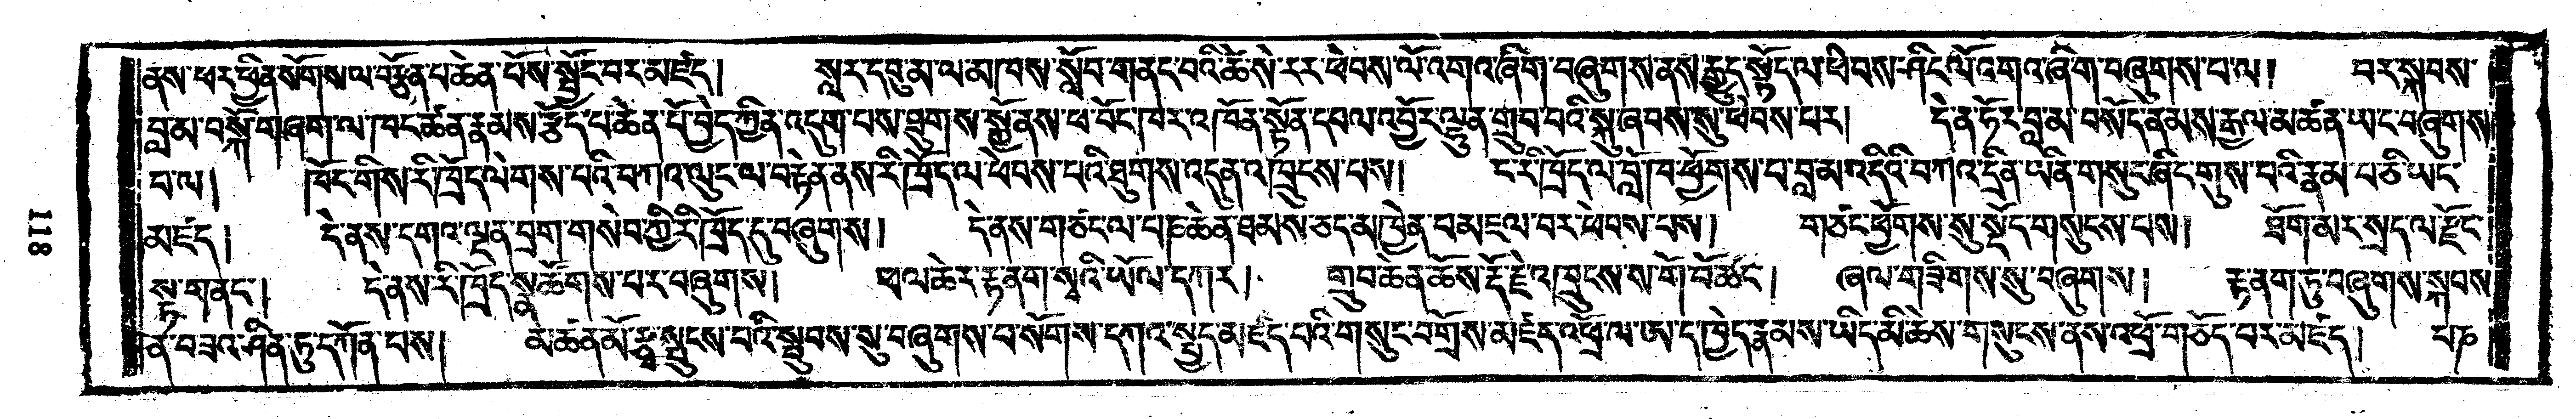ནས་ཕར་ཕྱིན་སོགས་ལ་བརྩོན་པ་ཆེན་པོས་སྦྱོང་བར་མཛད། སླར་དབུ་མ་ལ་མཁས་སློབ་གནང་བའི་ཚེ་སེ་རར་ཕེབས་ལོ་འགའ་ཞིག་བཞུགས་ནས་རྒྱུད་སྟོད་ལ་ཕེབས་ཤིང་ལོ་འགའ་ཞིག་བཞུགས་པ་ལ། བར་སྐབས་
བླ་མ་བསྐོ་གཞག་ལ་ཁང་ཚན་རྣམས་རྩོད་པ་ཆེན་པོ་བྱེད་ཀྱིན་འདུག་པས་ཐུགས་སྐྱོ་ནས་ཕ་བོང་ཁར་འཁོན་སྟོན་དཔལ་འབྱོར་ལྷུན་གྲུབ་པའི་སྐུ་ཞབས་སུ་ཕེབས་པར། དེ་ན་ཧོར་བླ་མ་བསོད་ནམས་རྒྱལ་མཚན་ཡང་བཞུགས་
པ་ལ། ཁོང་གིས་རི་ཁྲོད་ལེགས་པའི་བཀའ་ལུང་ལ་བརྟེན་ནས་རི་ཁྲོད་ལ་ཕེབས་པའི་ཐུགས་འདུན་འཁྲུངས་པས། ང་རི་ཁྲོད་ལ་བློ་ཁ་ཕྱོགས་པ་བླ་མ་འདིའི་བཀའ་དྲིན་ཡིན་གསུང་ཞིང་གུས་པའི་རྣམ་པ་ཅི་ཡང་
མཛད། དེ་ནས་དགའ་ལྡན་བྲག་གསེབ་ཀྱི་རི་ཁྲོད་དུ་བཞུགས། དེ་ནས་གཙང་ལ་པཎ་ཆེན་ཐམས་ཅད་མཁྱེན་པ་མཇལ་བར་ཕེབས་པས། གཙང་ཕྱོགས་སུ་སྡོད་གསུངས་པས། ཐོག་མར་སྲད་ལ་རྫོང་
སྟ་གནང་། དེ་ནས་རི་ཁྲོད་སྣ་ཚོགས་པར་བཞུགས། ཕལ་ཆེར་རྟ་ནག་སྭའི་ཡོལ་དཀར། གྲུབ་ཆེན་ཆོས་རྡོ་རྗེ་འཁྲུངས་ས་གོ་བོ་ཚང་། ཞལ་གཟིགས་སུ་བཞུགས། རྟ་ནག་ཏུ་བཞུགས་སྐབས་
ན་བཟའ་ཤིན་ཏུ་དཀོན་པས། མཚན་མོ་རྩྭ་སྤུངས་པའི་སྦུབས་སུ་བཞུགས་པ་སོགས་དཀའ་སྤྱད་མཛད་པའི་གསུང་བགྲོས་མཛད་འཕྲོ་ལ་ཨ་ད་ཁྱེད་རྣམས་ཡིད་མི་ཆེས་གསུངས་ནས་འཕྲོ་གཅོད་པར་མཛད། པཎ་